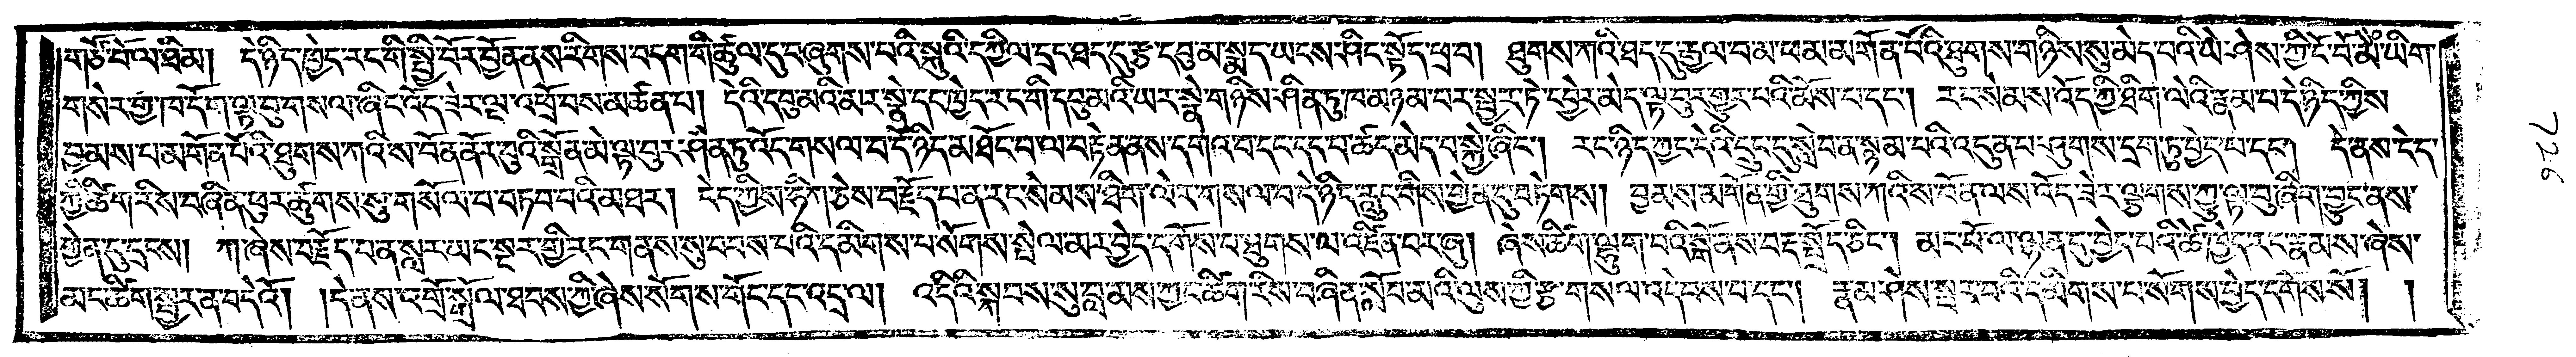གཙོ་བོ་ལ་ཐིམ། དེ་ཉིད་ཁྱེད་རང་གི་སྤྱི་བོར་བྱོན་ནས་རིགས་བདག་གི་ཚུལ་དུ་བཞུགས་པའི་སྐུའི་དཀྱིལ་དྲང་ཐད་དུ་རྩ་དབུ་མ་སྨད་ཡངས་ཤིང་སྟོད་ཕྲ་བ། ཐུགས་ཀའི་ཐད་དུ་རྒྱལ་བ་མ་ཕམ་མགོན་པོའི་ཐུགས་གཉིས་སུ་མེད་པའི་ཡེ་ཤེས་ཀྱི་ངོ་བོ་མ་ཡིག་
གསེར་གྱི་ཁ་དོག་ལྟ་བུ་གསལ་ཞིང་འོད་ཟེར་ལྔ་འཕྲོ་བས་མཚན་པ། དེའི་དབུ་མའི་མར་སྣེ་དང་ཁྱེད་རང་གི་དབུ་མའི་ཡར་སྣེ་གཉིས་ཤིན་ཏུ་ཁ་མཉམ་པར་སྦྱར་ཏེ་དབྱེར་མེད་ལྟ་བུར་གྱུར་པའི་མོས་པ་དང་། རང་སེམས་འོད་ཀྱི་ཐིག་ལེའི་རྣམ་པ་དེ་ཉིད་ཀྱིས་
བྱམས་པ་མགོན་པོའི་ཐུགས་ཀའི་ས་བོན་ནོར་བུའི་སྒྲོན་མེ་ལྟ་བུར་ཤིན་ཏུ་འོད་གསལ་བ་དེ་ཉིད་མཐོང་བ་ལ་བརྟེན་ནས་དགའ་བ་དང་དད་པ་ཚད་མེད་པ་སྐྱེ་ཞིང་། རང་ཉིད་ཀྱང་དེའི་དྲུང་དུ་སླེབ་ན་སྙམ་པའི་འདུན་པ་ཤུགས་དྲག་ཏུ་བྱེད་པ་དང་། དེ་ནས་ངེད་
ཀྱི་ཚིག་རིས་བཞིན་ཕུར་ཚུགས་སུ་གསོལ་བ་བཏབ་པའི་མཐར། ངེད་ཀྱིས་ཧིཀ་ཅེས་བརྗོད་པ་ན་རང་སེམས་ཐིག་ལེར་གསལ་བ་དེ་ཉིད་རླུང་གིས་གྱེན་དུ་བཏེགས། བྱམས་མགོན་གྱི་ཐུགས་ཀའི་ས་བོན་ལས་འོད་ཟེར་ལྕགས་ཀྱུ་ལྟ་བུ་ཞིག་བྱུང་ནས་
གྱེན་དུ་དྲངས། ཀ་ཞེས་བརྗོད་པ་ན་སླར་ཡང་སྔར་གྱི་རང་གནས་སུ་བབས་པའི་དམིགས་པ་སོགས་སྤེལ་མར་བྱེད་དགོས་པ་ཐུགས་ལ་འཛིན་པར་ཞུ། ཞེས་ཚིག་ལྷུག་བའི་སྒོ་ནས་བརྡ་སྤྲོད་ཅིང་། མང་པོ་ལ་ལྷན་དུ་བྱེད་པའི་ཚེ་ཁྱེད་རང་རྣམས་ཞེས་
མིང་ཚིག་སྦྱར་ན་བདེའོ། །དེ་ནས་འགྲོ་སྒྲོལ་ཐབས་ཀྱི་ཞེས་སོགས་གོང་དང་འདྲ་ལ། འདིའི་སྐབས་སུ་བླ་མས་ཀྱང་ཚིག་རིས་བཞིན་སློབ་མའི་ལུས་ཀྱི་རྩ་གསལ་འདེབས་བ་དང་། རྣམ་ཤེས་པར་བའི་དམིགས་པ་སོགས་བྱེད་དགོས་སོ། །